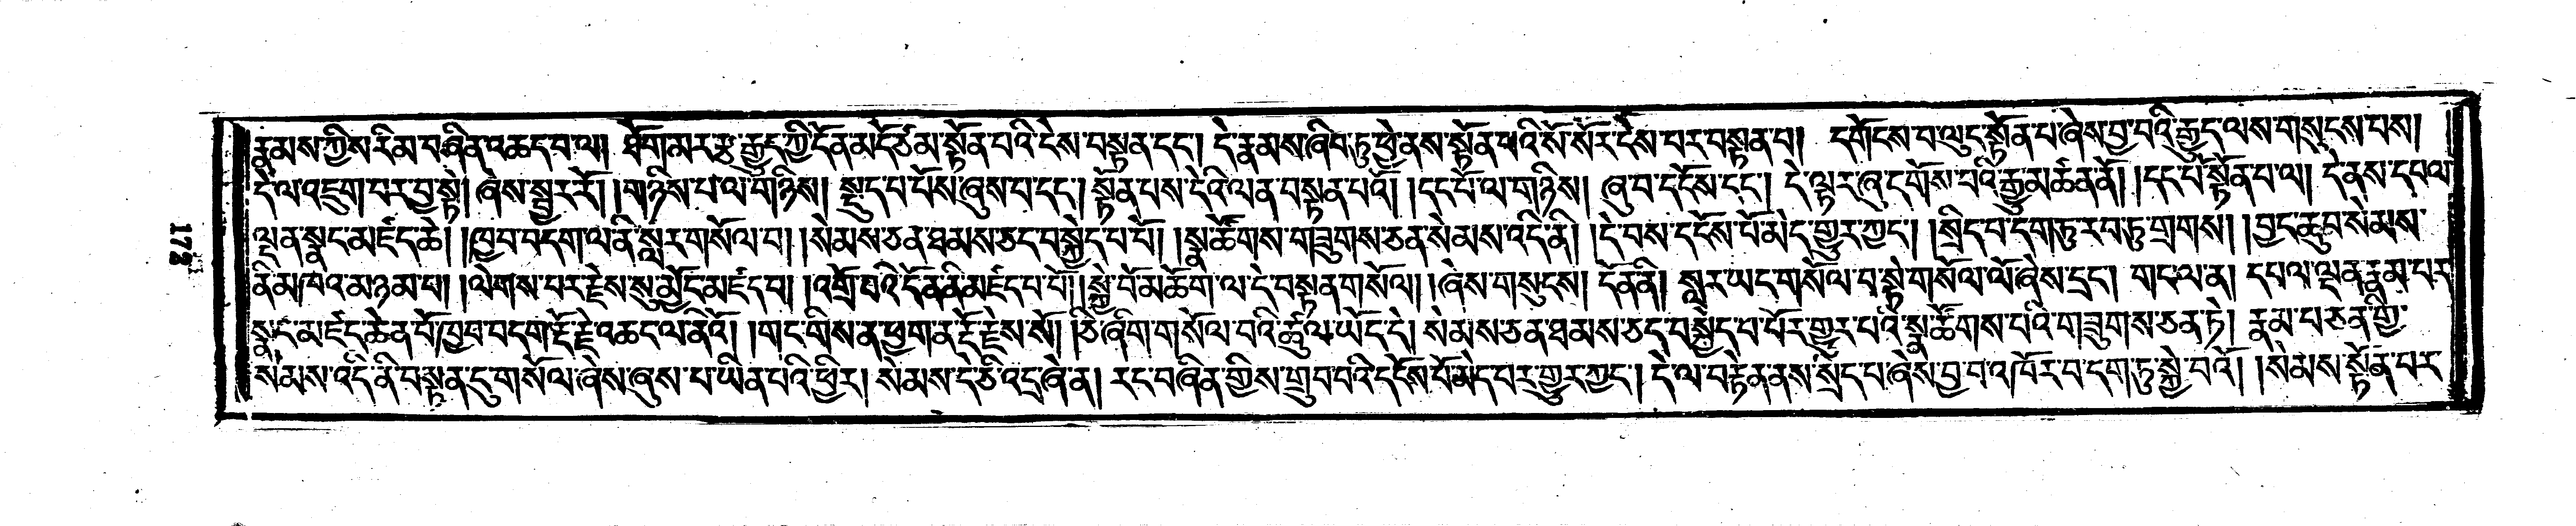རྣམས་ཀྱིས་རིམ་བཞིན་འཆད་པ་ལ། ཐོག་མར་རྩ་རྒྱུད་ཀྱི་དོན་མདོ་ཙམ་སྟོན་པའི་ངེས་བསྟན་དང་། དེ་རྣམས་ཞིབ་ཏུ་ཕྱེ་ནས་སྟོན་པའི་སོ་སོར་ངེས་པར་བསྟན་པ། དགོངས་པ་ལུང་སྟོན་པ་ཞེས་བྱ་བའི་རྒྱུད་ལས་གསུངས་པས།
དེ་ལ་འཇུག་པར་བྱ་སྟེ། ཞེས་སྦྱར་རོ། །གཉིས་པ་ལ་གཉིས། སྡུད་པ་པོས་ཞུས་པ་དང་། སྟོན་པས་དེའི་ལན་བསྟན་པའོ། །དང་པོ་ལ་གཉིས། ཞུ་བ་དངོས་དང་། དེ་ལྟར་ཞུ་དགོས་པའི་རྒྱུ་མཚན་ནོ། །དང་པོ་སྟོན་པ་ལ། དེ་ནས་དཔལ་
ལྡན་སྣང་མཛད་ཆེ། །ཁྱབ་བདག་ལ་ནི་སླར་གསོལ་བ། །སེམས་ཅན་ཐམས་ཅད་བསྐྱེད་པ་པོ། །སྣ་ཚོགས་གཟུགས་ཅན་སེམས་འདི་ནི། །དེ་བས་དངོས་པོ་མེད་གྱུར་ཀྱང་། །སྲིད་པ་དག་ཏུ་རབ་ཏུ་གྲགས། །བྱང་ཆུབ་སེམས་
ནི་མཁའ་མཉམ་པ། །ལེགས་པར་རྗེས་སུ་མྱོང་མཛད་པ། །འགྲོ་བའི་དོན་ནི་མཛད་པ་པོ། །སྐྱེ་བོ་མཆོག་ལ་དེ་བསྟན་གསོལ། །ཞེས་གསུངས། དོན་ནི། སླར་ཡང་གསོལ་བ་སྟེ་གསོལ་ལོ་ཞེས་དྲང་། གང་ལ་ན། དཔལ་ལྡན་རྣམ་པར་
སྣང་མཛད་ཆེན་པོ་ཁྱབ་བདག་རྡོ་རྗེ་འཆང་ལ་ནིའོ། །གང་གིས་ན་ཕྱག་ན་རྡོ་རྗེས་སོ། །ཅི་ཞིག་གསོལ་བའི་ཚུལ་ཡོད་དེ། སེམས་ཅན་ཐམས་ཅད་བསྐྱེད་པ་པོར་གྱུར་པའི་སྣ་ཚོགས་པའི་གཟུགས་ཅན་ཏེ། རྣམ་པ་ཅན་གྱི་
སེམས་འདི་ནི་བསྟན་དུ་གསོལ་ཞེས་ཞུས་པ་ཡིན་པའི་ཕྱིར། སེམས་དེ་ཅི་འདྲ་ཞེ་ན། དེ་བཞིན་གྱིས་གྲུབ་པའི་དངོས་པོ་མེད་པར་གྱུར་ཀྱང་། དེ་ལ་བརྟེན་ནས་སྲིད་པ་ཞེས་བྱ་བ་འཁོར་བ་དག་ཏུ་སྐྱེ་བའོ། །སེམས་སྟོན་པར་